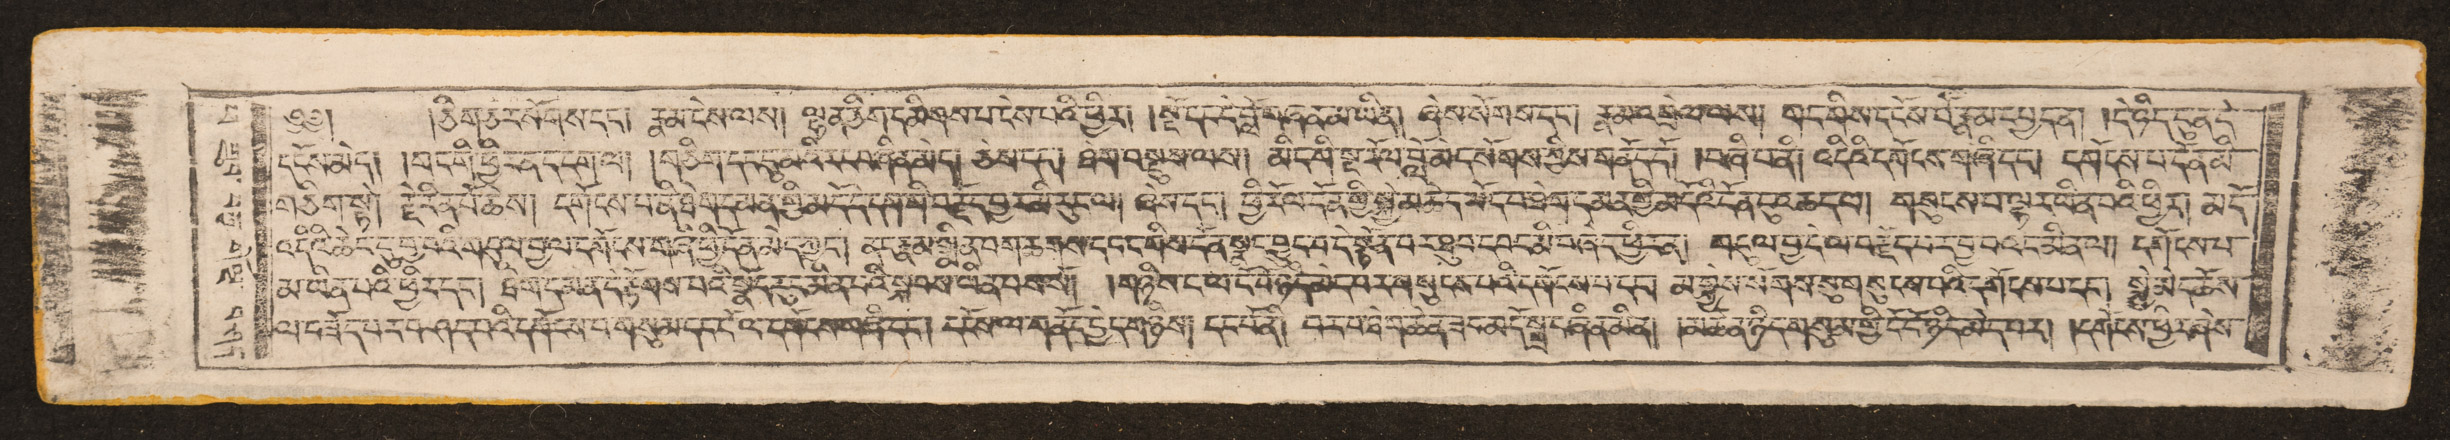༄༅། །ཅིག་ཅར་སོགས་དང་། རྣམ་ངེས་ལས། ལྷན་ཅིག་དམིགས་པ་དེས་པའི་ཕྱིར། །སྔོ་དང་དེ་བློ་གཞན་མ་ཡིན། ཞེས་སོགས་དང་། རྣམ་འགྲེལ་ལས། གང་གིས་དངོས་པོ་རྣམ་དཔྱད་ན། །དེ་ཉིད་དུ་ན་དེ་
དངོས་མེད། །གང་གི་ཕྱིར་ན་དེ་དག་ལ། །གཅིག་དང་དུ་མའི་རང་བཞིན་མེད། ཅེས་དང་། ཐེག་བསྡུས་ལས། མིང་གི་སྔ་རོལ་བློ་མེད་སོགས་ཀྱིས་གནོད་དོ། །བཞི་པ་ནི། འདིའི་དགོངས་གཞི་དང་། དགོངས་པ་དོན་མི་
གཅིག་སྟེ། རྗེ་རིན་པོ་ཆེས། དགོངས་པ་ནི་ཐེག་དམན་གྱི་མདོ་དེ་དག་གི་བརྗོད་བྱར་མི་རུང་ལ། ཞེས་དང་། ཕྱི་རོལ་དོན་གྱི་སྐྱེ་མཆེད་ཡོད་པ་ཐེག་དམན་གྱི་མདོའི་དོན་དུ་འཆད་ལ། གསུངས་པ་ལྟར་ཡིན་པའི་ཕྱིར། མདོ་
འདིའི་ཆེད་དུ་བྱ་བའི་གདུལ་བྱ་ལ་དགོངས་གཞི་ཕྱི་དོན་མེད་ཀྱང་། ནང་རྣམ་སྨིན་བག་ཆགས་དཔང་གིས་དོན་སྨད་བྱུང་བ་དེ་སྟོན་པར་ཐུབ་དབང་མི་བཞེད་ཕྱིར་ན། གདུལ་བྱ་དེ་ལ་བརྗོད་པར་བྱ་བའང་མིན་ལ། དགོངས་པ་
མ་ཡིན་པའི་ཕྱིར་དང་། ཐེག་དམན་དེ་རྟོགས་པའི་སྣོད་རུང་མིན་པའི་སྐབས་ཡིན་པས་སོ། །གཉིས་པ་ལ་ངོ་བོ་ཉིད་མེད་པར་གསུངས་པའི་དགོངས་པ་དང་། མ་སྐྱེས་སོགས་སུ་གསུངས་པའི་དགོངས་པ་དང་། སྐྱེ་མེད་ཆོས་
ལ་བཟོད་པར་བཤད་པའི་དགོངས་པ་གསུམ་དང་པོ་ལ་དགོངས་གཞི་དང་། དངོས་ལ་གནོད་བྱེད་གཉིས། དང་པོ་ནི། བར་པ་ཐེག་ཆེན་ཟབ་མདོ་སྒྲ་བཞིན་མིན། །མཚན་ཉིད་གསུམ་གྱི་ངོ་བོ་ཉིད་མེད་པར། །དགོངས་ཕྱིར་ཞེས་